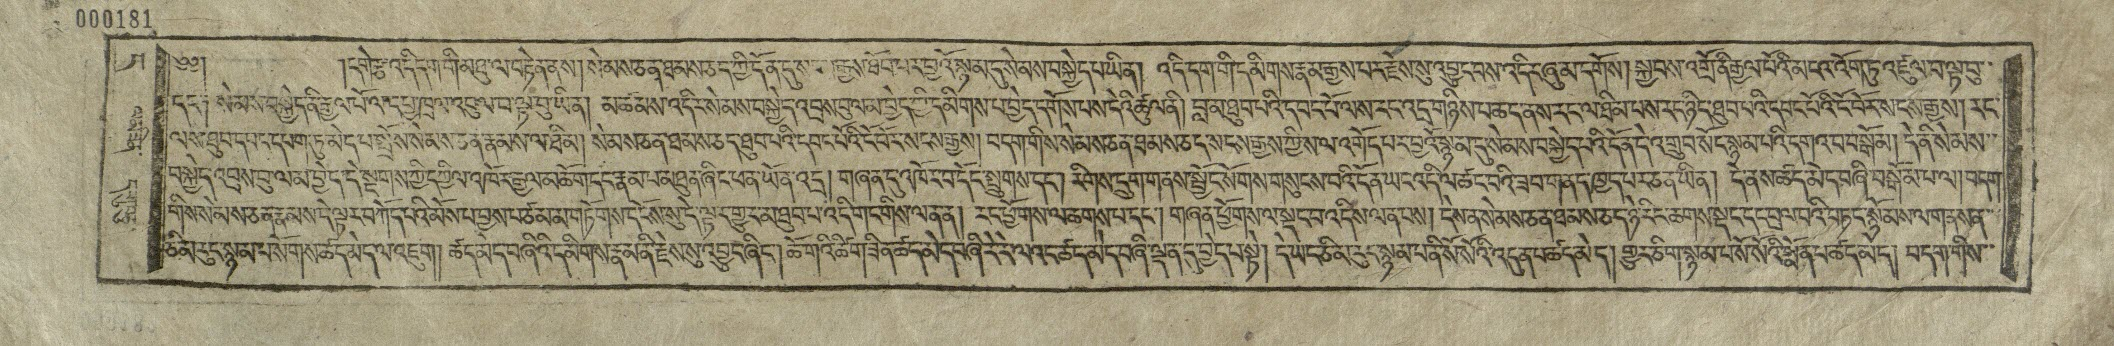༄༅། །དགེ་རྩ་འདི་དག་གི་མཐུ་ལ་བརྟེན་ནས། སེམས་ཅན་ཐམས་ཅད་ཀྱི་དོན་དུ་སངས་རྒྱས་ཐོབ་པར་བྱའོ་སྙམ་དུ་སེམས་བསྐྱེད་པ་ཡིན། འདི་དག་གི་དམིགས་རྣམ་རྒྱས་པར་རྗེས་སུ་འབྱུང་བས་འདིར་ཞུ་མ་དགོས། སྐྱབས་འགྲོ་ནི་རྒྱལ་པོའི་མངའ་འོག་ཏུ་འཛུལ་བ་ལྟ་བུ་
དང༑ སེམས་བསྐྱེད་ནི་རྒྱལ་པོ་ལ་དཔྱ་ཁྲལ་འབུལ་བ་ལྟ་བུ་ཡིན། མཚམས་འདིར་སེམས་བསྐྱེད་འབྲས་བུ་ལ་མ་བྱེད་ཀྱི་དམིགས་པ་བྱེད་དགོས་པས་དེའི་ཚུལ་ནི། བླ་མ་ཐུབ་པའི་དབང་པོ་ལས་རང་འདྲ་གཉིས་པ་ཆད་ནས་རང་ལ་ཐིམ་པས་རང་ཉིད་ཐུབ་པའི་དབང་པོའི་ངོ་བོར་སངས་རྒྱས། རང་
ལས་ཐུབ་དབང་དཔག་ཏུ་མེད་པ་སྤྲོས་སེམས་ཅན་རྣམས་ལ་ཐིམ། སེམས་ཅན་ཐམས་ཅད་ཐུབ་པའི་དབང་པོའི་ངོ་བོར་སངས་རྒྱས། བདག་གིས་སེམས་ཅན་ཐམས་ཅད་སངས་རྒྱས་ཀྱི་ས་ལ་འགོད་པར་བྱའོ་སྙམ་དུ་སེམས་བསྐྱེད་པའི་དོན་དེ་འགྲུབ་སོང་སྙམ་པའི་དགའ་བ་བསྒོམ། དེ་ནི་སེམས་
བསྐྱེད་འབྲས་བུ་ལམ་བྱེད་དེ་སྔགས་ཀྱི་དཀྱིལ་འཁོར་རྒྱལ་མཆོག་དང་རྣམ་པ་མཐུན་ཞིང་ཕན་ཡོན་འདྲ། གཞན་དུ་འཁོར་བ་དོང་སྤྲུགས་དང་། རིགས་དྲུག་གནས་སྦྱོང་སོགས་གསུངས་པའི་དོན་ཡང་འདི་ལ་ཚང་བའི་ཟབ་གནད་ཁྱད་པར་ཅན་ཡིན། དེ་ནས་ཚད་མེད་བཞི་བསྒོམ་པ་ལ། བདག་
གིས་སེམས་ཅན་རྣམས་དེ་ལྟར་བཀོད་པའི་མོས་པ་བྱས་པ་ཙམ་མ་གཏོགས་དངོས་སུ་དེ་ལྟར་གྱུར་མ་ཐུབ་པ་འདི་གང་གིས་ལན་ན། རང་ཕྱོགས་ལ་ཆགས་པ་དང་། གཞན་ཕྱོགས་ལ་སྡང་བ་འདིས་ལན་པས། དེས་ན་སེམས་ཅན་ཐམས་ཅད་ཉེ་རིང་ཆགས་སྡང་དང་བྲལ་བའི་བཏང་སྙོམས་ལ་གནས་ན་
ཅི་མ་རུང་སྙམ་པ་སོགས་ཚད་མེད་ལ་འཇུག །ཚད་མེད་བཞིའི་དམིགས་རྣམ་ནི་རྗེས་སུ་འབྱུང་ཞིང་། ཆོ་གའི་ཚིག་ཟིན་ཚད་མེད་བཞི་རེ་རེ་ལའང་ཚད་མེད་བཞི་ལྡན་དུ་བྱེད་པ་སྟེ། དེ་ཡང་ཅི་མ་རུང་སྙམ་པ་ནི་སོ་སོའི་འདུན་པ་ཚད་མེད། གྱུར་ཅིག་སྙམ་པ་སོ་སོའི་སྨོན་པ་ཚད་མེད། བདག་གིས་